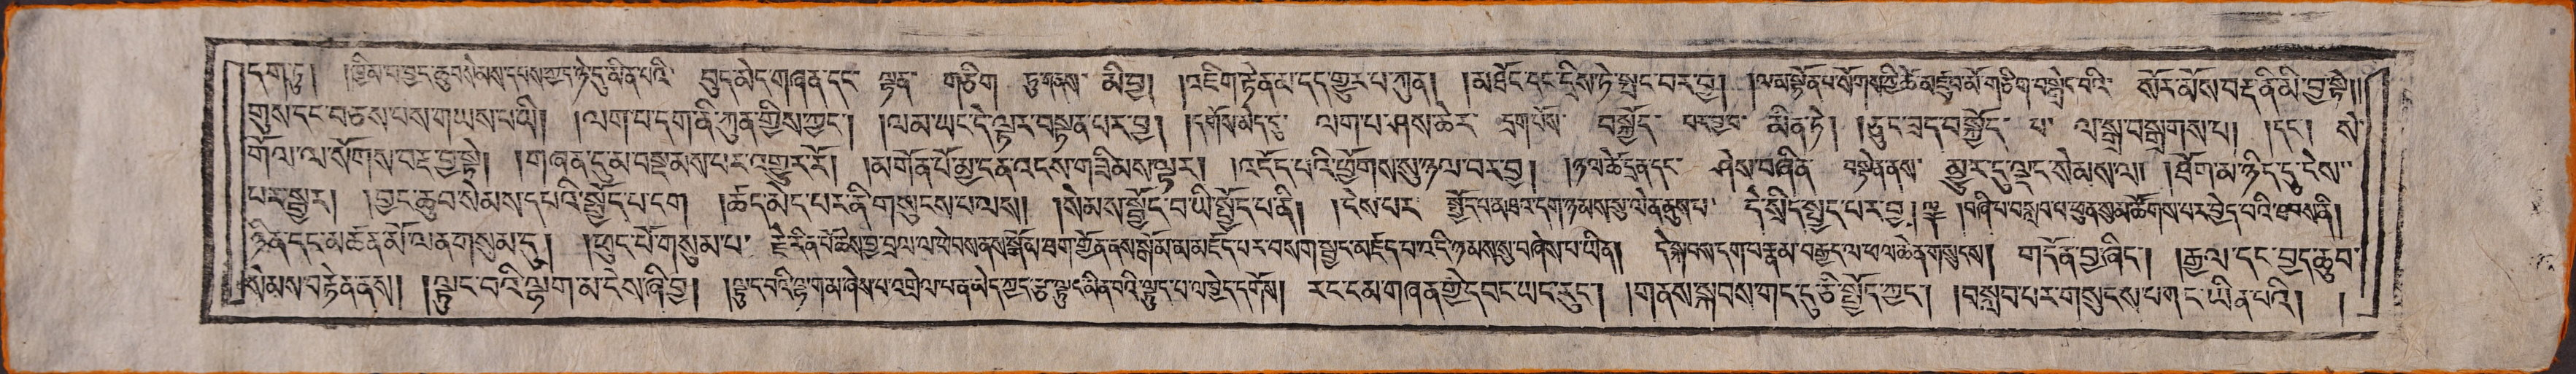དག་ཏུ། །ཁྱིམ་པ་བྱང་ཆུབ་སེམས་དཔས་ཀྱང་ཉེ་དུ་མིན་པའི་བུད་མེད་གཞན་དང་ལྷན་གཅིག་ཏུ་གནས་མི་བྱ། །འཇིག་རྟེན་མ་དད་གྱུར་པ་ཀུན། །མཐོང་དང་དྲིས་ཏེ་སྤང་བར་བྱ། །ལམ་སྟོན་པ་སོགས་ཀྱི་ཚེ་མཛུབ་མོ་གཅིག་བསྒྲེང་བའི་སོར་མོས་བརྡ་ནི་མི་བྱ་སྟེ།།
གུས་དང་བཅས་པས་གཡས་པ་ཡི། །ལག་པ་དག་ནི་ཀུན་གྱིས་ཀྱང་། །ལམ་ཡང་དེ་ལྟར་བསྟན་པར་བྱ། །དགོས་མེད་དུ་ལག་པ་ཤས་ཆེར་དྲག་པོས་བསྐྱོད་པར་བྱ་བ་མིན་ཏེ། །ཅུང་ཟད་བསྐྱོད་པ་ལ་སྒྲ་བསྒྲེགས་པ། །དང་། སེ་
གོལ་ལ་སོགས་བརྡ་བྱ་སྟེ། །གཞན་དུ་མ་བསྡམས་པར་འགྱུར་རོ། །མགོན་པོ་མྱ་ངན་འདས་གཟིམས་ལྟར། །འདོད་པའི་ཕྱོགས་སུ་ཉལ་བར་བྱ། །ཉལ་ཚེ་དྲན་དང་ཤེས་བཞིན་བསྟེན་ནས་མྱུར་དུ་ལྡང་སེམས་ལ། །ཐོག་མ་ཉིད་དུ་ངེས་
པར་སྦྱར། །བྱང་ཆུབ་སེམས་དཔའི་སྤྱོད་པ་དག །ཚད་མེད་པར་ནི་གསུངས་པ་ལས། །སེམས་སྦྱོང་བ་ཡི་སྤྱོད་པ་ནི། །ངེས་པར་སྤྱོད་པ་མཐའ་དག་ཉམས་སུ་ལེན་ནུས་པ་དེ་སྲིད་སྤྱད་པར་བྱ། ༈ །བཞི་པ་བསླབ་པ་ཕུན་སུམ་ཚོགས་པར་བྱད་པའི་ཐབས་ནི།
ཉིན་དང་མཚན་མོ་ལན་གསུམ་དུ། །ཕུང་པོ་གསུམ་པ་རྗེ་རིན་པོ་ཆེས་བྱ་བྲལ་ལ་ཕེབས་ནས་སྒོམ་ཐག་གྱིན་ནས་སྒོམ་མ་མཛད་པར་བསག་སྦྱང་མཛད་པ་འདི་ཉམས་སུ་བཞེས་པ་ཡིན། དེ་སྐབས་དག་པ་རྣམ་བརྒྱད་ལ་ཕལ་ཆེན་གསུངས། གདོན་བྱ་ཞིང་། །རྒྱལ་དང་བྱང་ཆུབ་
སེམས་བརྟེན་ནས། །ལྟུང་བའི་ལྷག་མ་དེས་བཞི་བྱ། །ལྟུང་བའི་ལྷག་མ་ཞེས་པ་འགྲེལ་པ་ན་མེད་ཀྱང་རྩ་ལྟུང་མིན་པའི་ལྟུང་བ་ལ་བྱེད་དགོས། རང་ངམ་གཞན་གྱི་དབང་ཡང་རུང་། །གནས་སྐབས་གང་དུ་ཅི་སྤྱོད་ཀྱང་། །བསླབ་པར་གསུངས་པ་གང་ཡིན་པའི། །